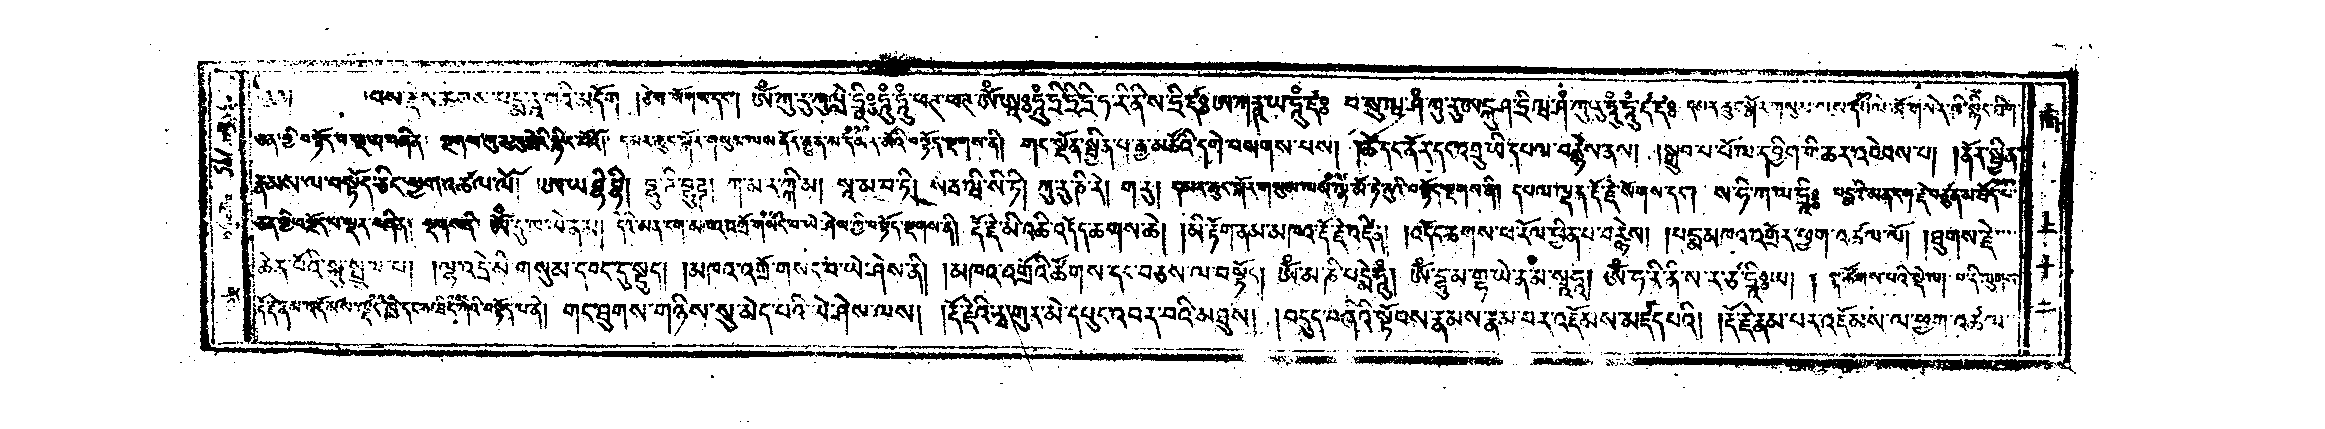༄༅། །བས་རྗེས་ཆགས་པདམ་རཱ་གའི་མདོག་།ཅེས་སོགས་དང་།  ཨོཾ་ཀུ་རུ་ཀུལླེ་ཧྲཱིཿཧཱུཾ་ཧཱུཾ་ཕཊ་ཕཊ་ཨོཾ་ཨཱཿཧཱུཾ་ཧྲི་ཧྲི་ཧྲི་ཧ་རི་ནི་ས་ཧྲི་ཛཿཨ་ཀརྵ་ཡ་ཧཱུཾ་ཛཿ བ་སུ་ཝ་ཤཾ་ཀུ་རུ་ཨངྐུཤ་ཧྲི་ཝ་ཤཾ་ཀུ་རུ་ཧཱུཾ་ཧཱུཾ་ཛ་ཛཿ དམར་ཆུང་སྐོར་གསུམ་ལས་དཔལ ༡༡༨་མོ་གསེར་གྱི་སྙིང་ཐིག་
ཅན་གྱི་བསྟོད་པ་སྔ་མ་བཞིན། སྔགས་ཀུ་རུ་ཀུལླེའི་སྙིང་པོའོ།། དམར་ཆུང་སྐོར་གསུམ་ལས་ནོར་རྒྱུན་མ་དམར་༡༡༩་མོའི་བསྟོད་སྔགས་ནི། གང་སྔོན་སྦྱིན་པ་རྒྱ་མཚོའི་དགེ་བསགས་པས། །ཚེ་དང་ནོར་དང་འབྲུ་ཡི་དཔལ་བརྙེས་ནས། །སྒྲུབ་པ་པོ་ལ་དབྱིག་གི་ཆར་འབེབས་པ། །ནོར་སྦྱིན་
རྣམས་ལ་བསྟོད་ཅིང་ཕྱག་འཚལ་ལོ། །ཨ་ཡ་བྷི་བྷི། བྷུ་ཌི་བྷུཌྜ། ཀ་མ་ར་ཀྐི་མ། སཱ་མ་བ་ཏི། སརྦ་ཝི་སི་ཏི། ཀུ་རུ་ཎི་རེ། ག་རུ། དམར་ཆུང་སྐོར་གསུམ་ལས་ལྷ ༡༢༠་མོ་ཏེ་ནུའི་བསྟོད་སྔགས་ནི། དཔལ་ལྡན་རྡོ་རྗེ་སོགས་དང་།  ས་ཧི་ཀ་ལ་ཧྲཱིཿ པདམའི་མན་ངག་རྗེ་བཙུན་མ་ཐོད་པ ༡༢༡
ཅན་གྱི་བསྟོད་པ་སྔར་བཞིན། སྔགས་ནི། ཨོཾ་དུ་ཁ་ཡེ་ན་མ། དེའི་མན་ངག་མཁའ་འགྲོ་གསང ༡༢༢་བ་ཡེ་ཤེས་ཀྱི་བསྟོད་སྔགས་ནི། རྡོ་རྗེ་མི་འཆི་འདོད་ཆགས་ཆེ། །མི་རྟོག་ནམ་མཁའ་རྡོ་རྗེ་འཛིན། །འདོད་ཆགས་ཕ་རོལ་ཕྱིན་པ་བརྙེས། །པདམ་མཁའ་འགྲོར་ཕྱག་འཚལ་ལོ། །ཐུགས་རྗེ་
ཆེན་པོའི་སྐུ་སྤྲུལ་པ། །ལྷ་འདྲེ་མི་གསུམ་དབང་དུ་སྡུད། །མཁའ་འགྲོ་གསང་བ་ཡེ་ཤེས་ནི། །མཁའ་འགྲོའི་ཚོགས་དང་བཅས་ལ་བསྟོད། ཨོཾ་མ་ཎི་པདམེ་ཧཱུཾ། ཨོཾ་དྷུ་མ་གྷ་ཡེ་ན་མ་སྭཱཧཱ། ཨོཾ་ཧ་རི་ནི་ས་ར་ཙ་ཧྲཱིཿཡ། ༈ སྣ་ཚོགས་པའི་སྡེ་པ?། བ་རི་ལུགས་
རྡོ་རྗེ་རྣམ་འཇོམས་ལྗང་༡༢༣་ཁུ་བའི་མཐིང?་༡༢༤་ཀའི་བསྟོད་པ་ནི། གང་ཐུགས་གཉིས་སུ་མེད་པའི་ཡེ་ཤེས་ལས། །རྡོ་རྗེའི་རྭ་གུར་མེ་དཔུང་འབར་བའི་མཐུས། །བདུད་བཞིའི་སྟོབས་རྣམས་རྣམ་པར་འཇོམས་མཛད་པའི། །རྡོ་རྗེ་རྣམ་པར་འཇོམས་ལ་ཕྱག་འཚལ་